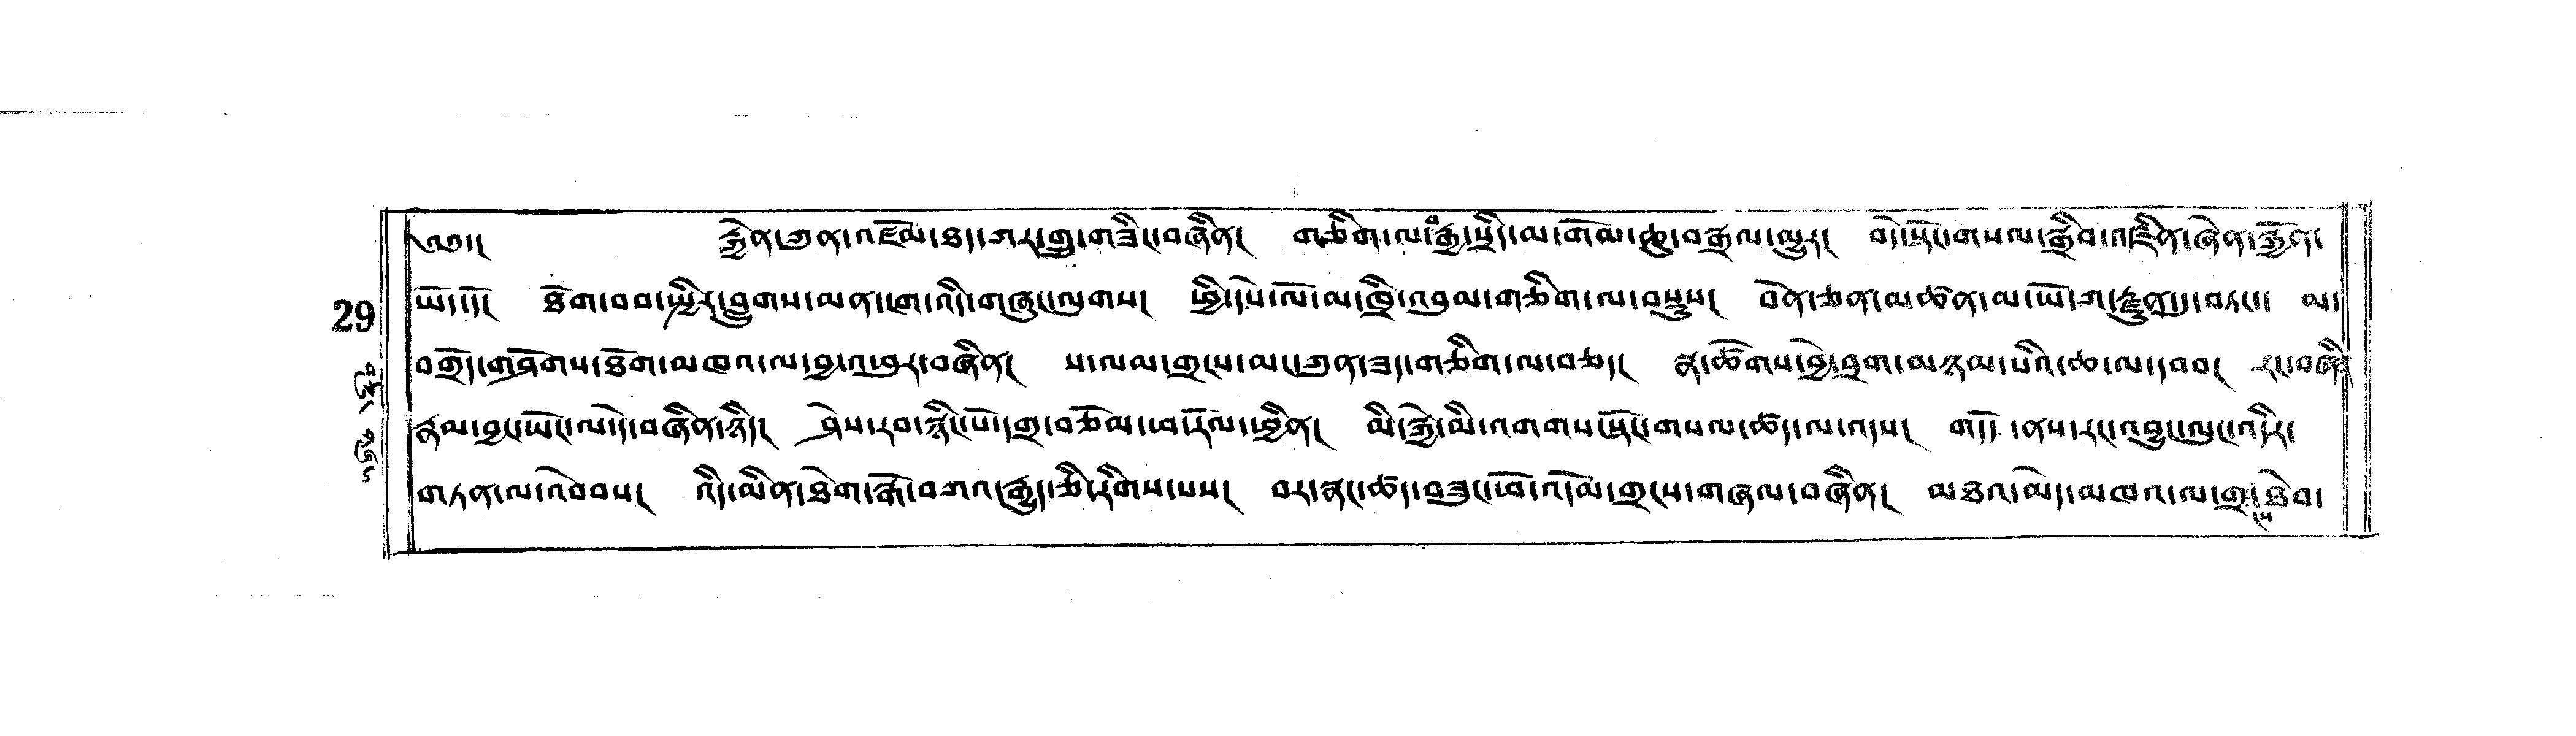རྐྱེན་ཀུན་འཛོམས་ཐད་ཀར་གྲུ་གཟིངས་བཞིན། གཅིག་ལ་བརྒྱ་སྲིད་མ་གོམ་ཆུ་བསྒྲལ་མྱུར། བདེ་སྟོང་གསལ་སྒྲིབ་འཛིན་ཞེན་སྐྱོན་
ཡོད་དོ། ཐོག་བབས་སྤྱིར་བླུགས་མན་ངག་འདི་གཞུང་ལུགས། ཕྱི་དཔེ་ལོ་མ་ཁྲི་འབུམ་གཅིག་ལ་བསྡུས། བོན་ཅན་མཚན་མ་ཡོ་ཀ་རྫུན་དུ་བཏང་། མ་
བགྲོད་གཤོག་ཐོགས་མཁའ་ལ་བྱ་འཕུར་བཞིན། ས་ལམ་གྲངས་མང་ཀུན་ཟད་གཅིག་ལ་བཅད། སྣ་ཚོགས་བྱེ་བྲག་མཉམ་པའི་ཆ་ལ་དབབ། རང་བཞིན་
རྣམ་བྱང་ཡོང་ལ་དེ་བཞིན་ཉིད། ཤེས་རབ་སྙིང་པོ་དགྲ་བཅོམ་ཕ་རོལ་ཕྱིན། མི་སྐྱེ་མི་འགག་སྟོང་གསལ་ཚད་ལས་འདས། གདོད་ནས་རང་འབྱུང་ལུང་འདིར་
གཏན་ལ་འབེབས། འདི་མིན་ཐེག་སྒོ་བཀའ་བརྒྱུད་ཅི་རིགས་པས། བར་སྣང་ཚད་བཟུང་ཕོ་འདོམ་གྲངས་གཞལ་བཞིན། མཐའ་མེད་མཁའ་ལ་གྲངས་ཐེབས་